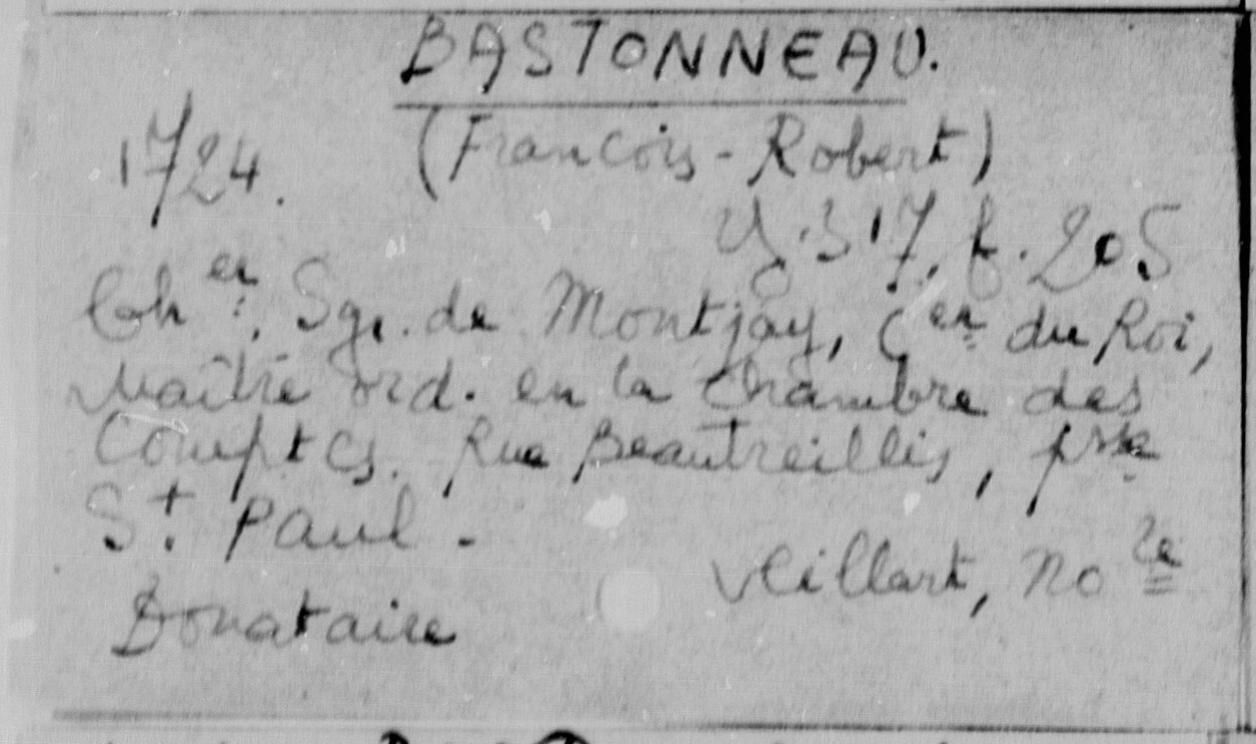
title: BASTONNEAU (François-Robert)
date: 1724
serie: Y
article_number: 317
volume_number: fol. 205
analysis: Chevalier, seigneur de Montjay, conseiller du roi, maître ordinaire en la Chambre des Comptes, rue Beautreillis, paroisse Saint Paul. Donataire. Veillart, notaire.
